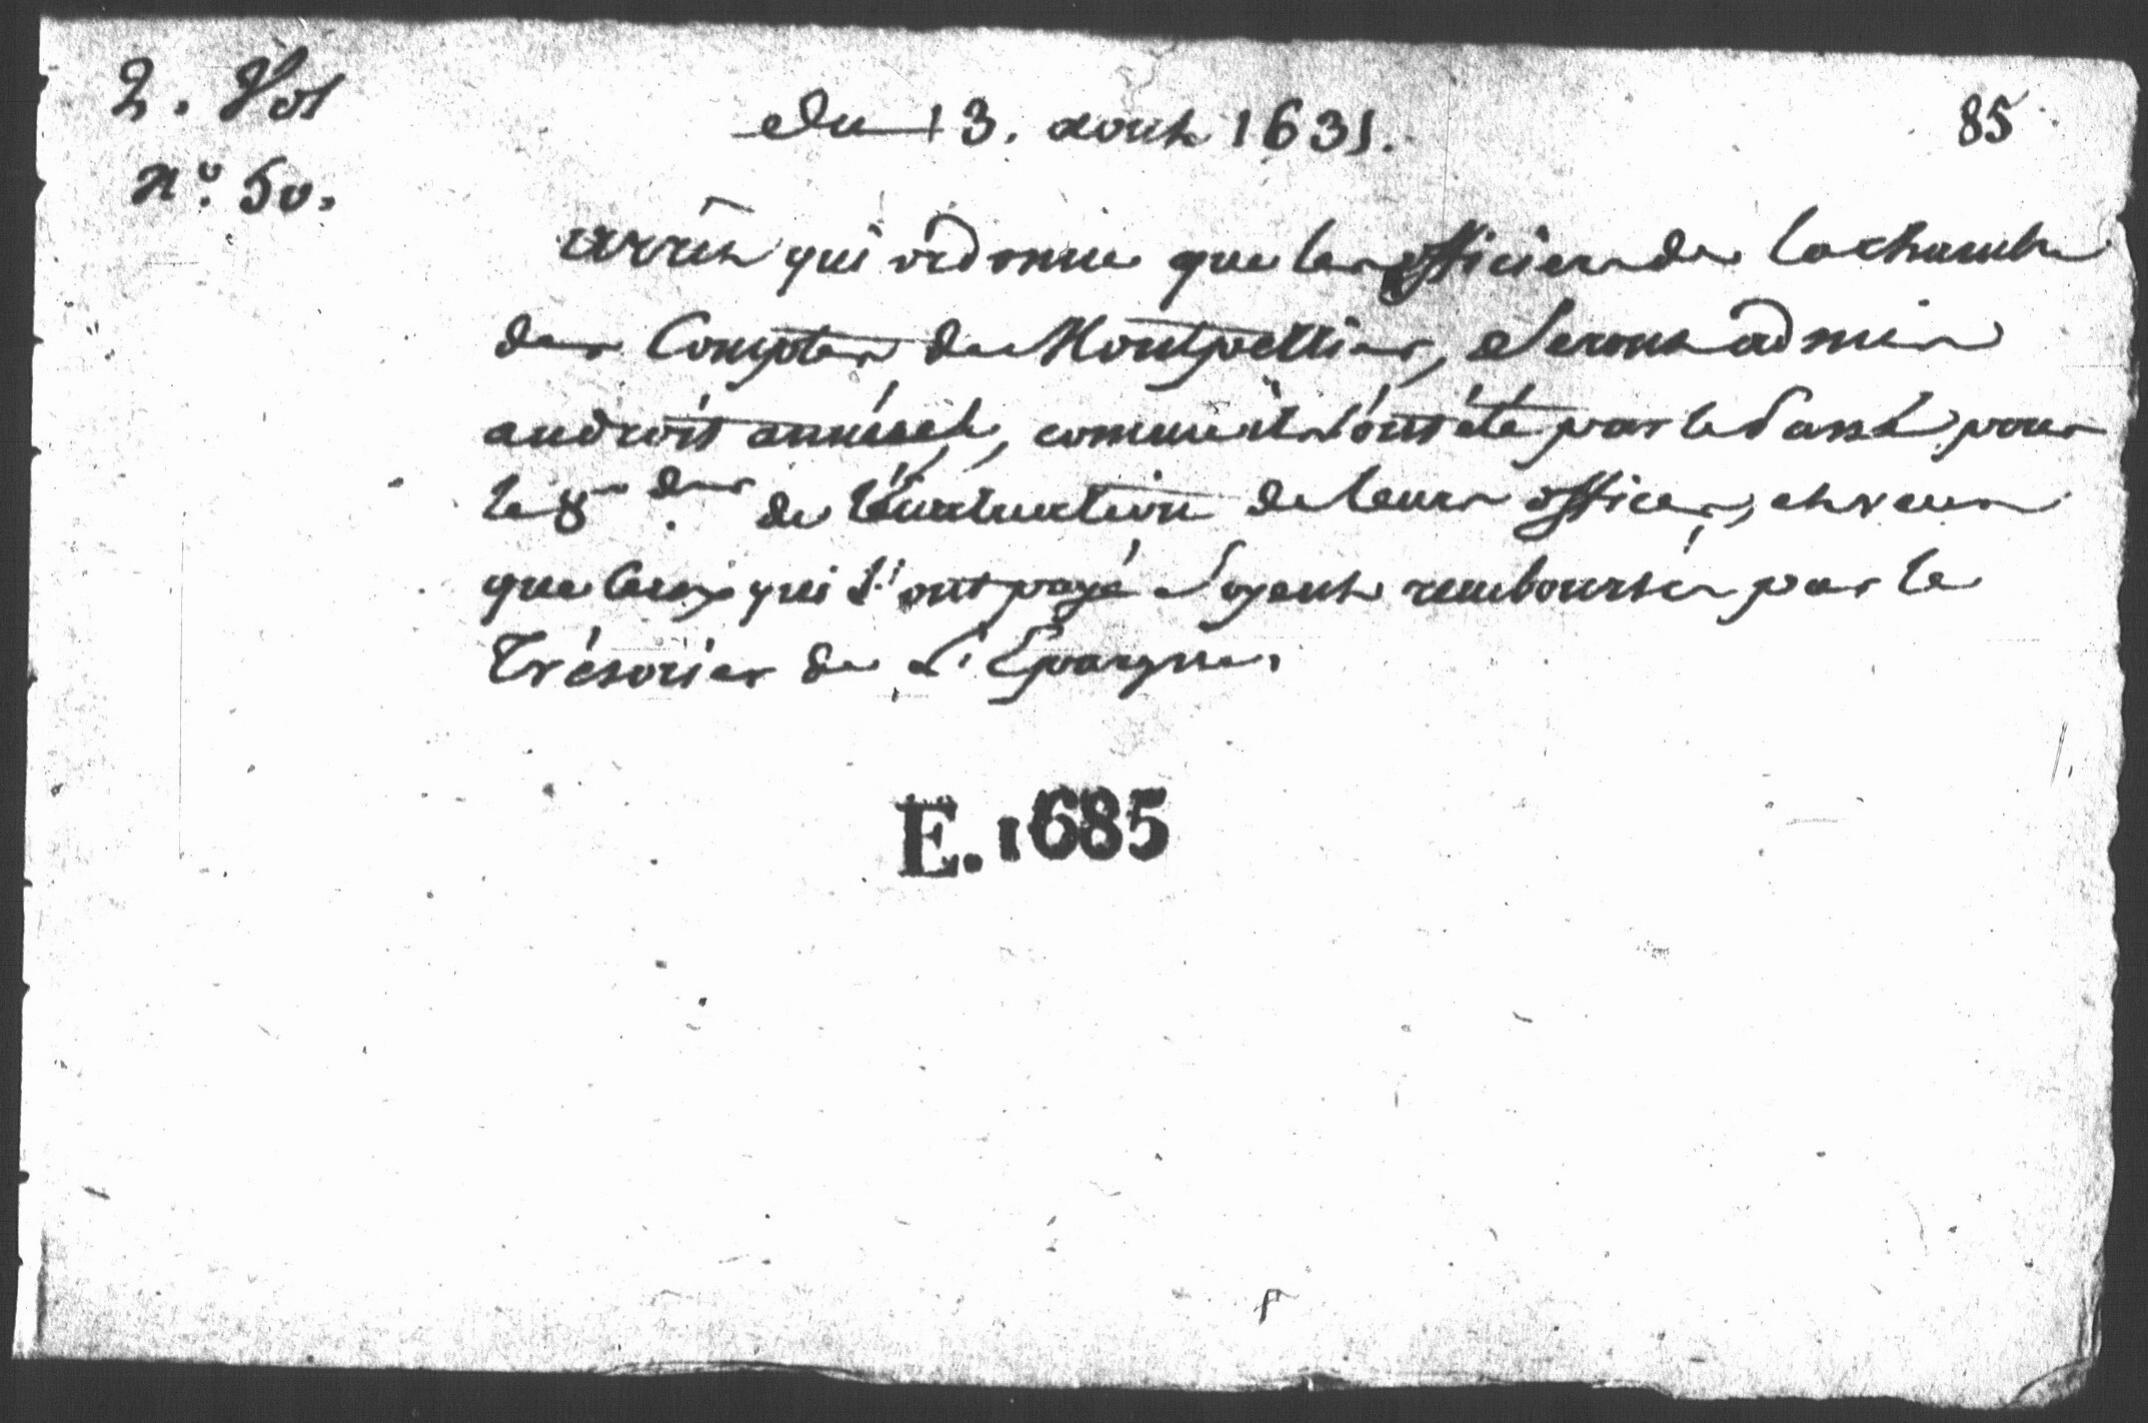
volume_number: n°50
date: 13 août 1631
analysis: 85
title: Arrêt qui ordonne que les officiers de la chambre des Comptes de Montpellier, seront admis au droit annuel, comme ils l'ont été par le passé pour le 8e . dnr de l'évaluation de leurs offices, et veut que ceux qui l'ont payé soyent remboursés par le Trésorier de l'Epargne.
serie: E
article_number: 1685
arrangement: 2. vol
